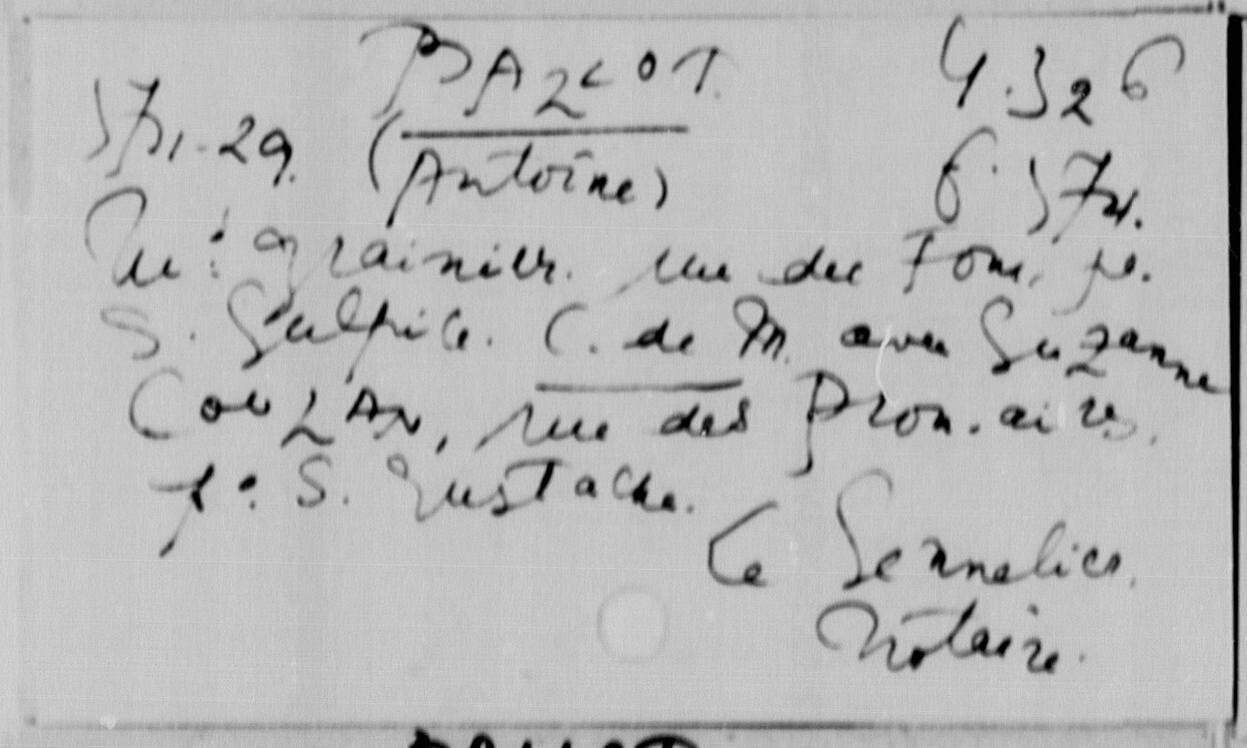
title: BALLOT (Antoine)
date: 1711-1729
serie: Y
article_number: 326
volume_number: folio 174
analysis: Marchand grainier, rue de Four, paroisse Saint-Sulpice. Contrat de mariage avec Suzanne Coulan, rue des Prouvaires paroisse Saint-Eustache. Le Sennelier, notaire
